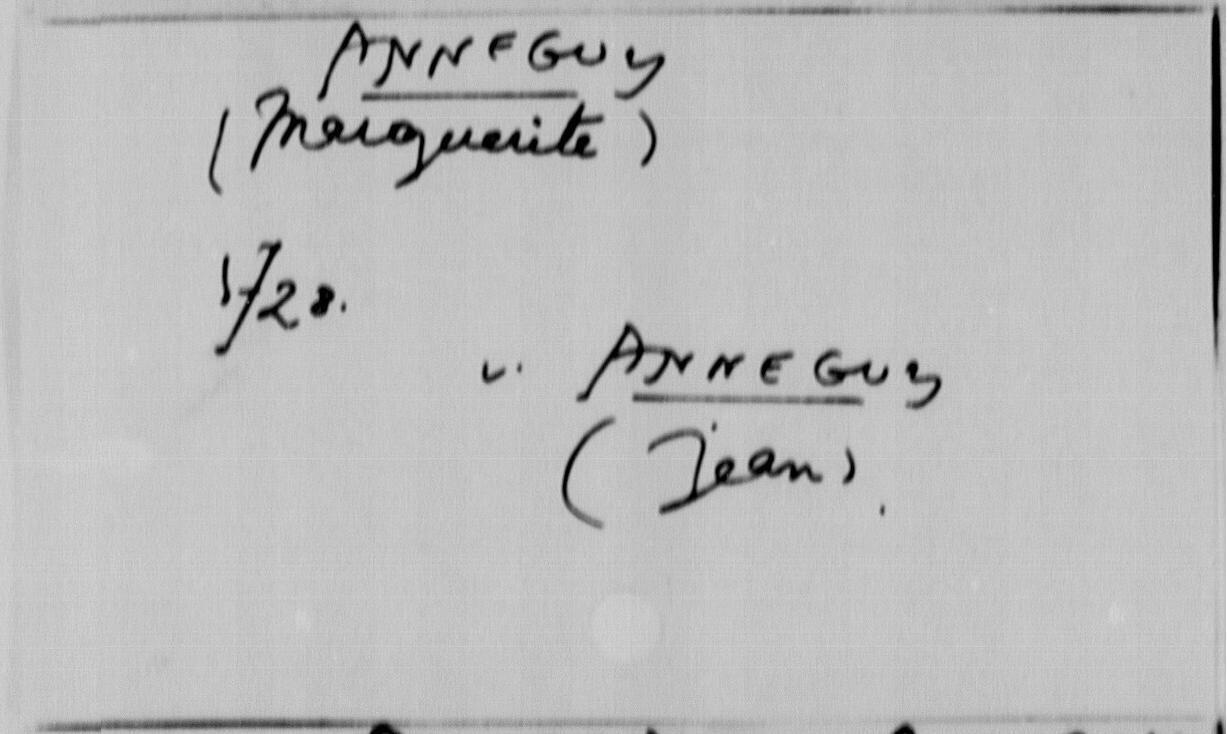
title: ANNEGUY (Marguerite)
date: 1728
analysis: Voir ANNEGUY (Jean)
